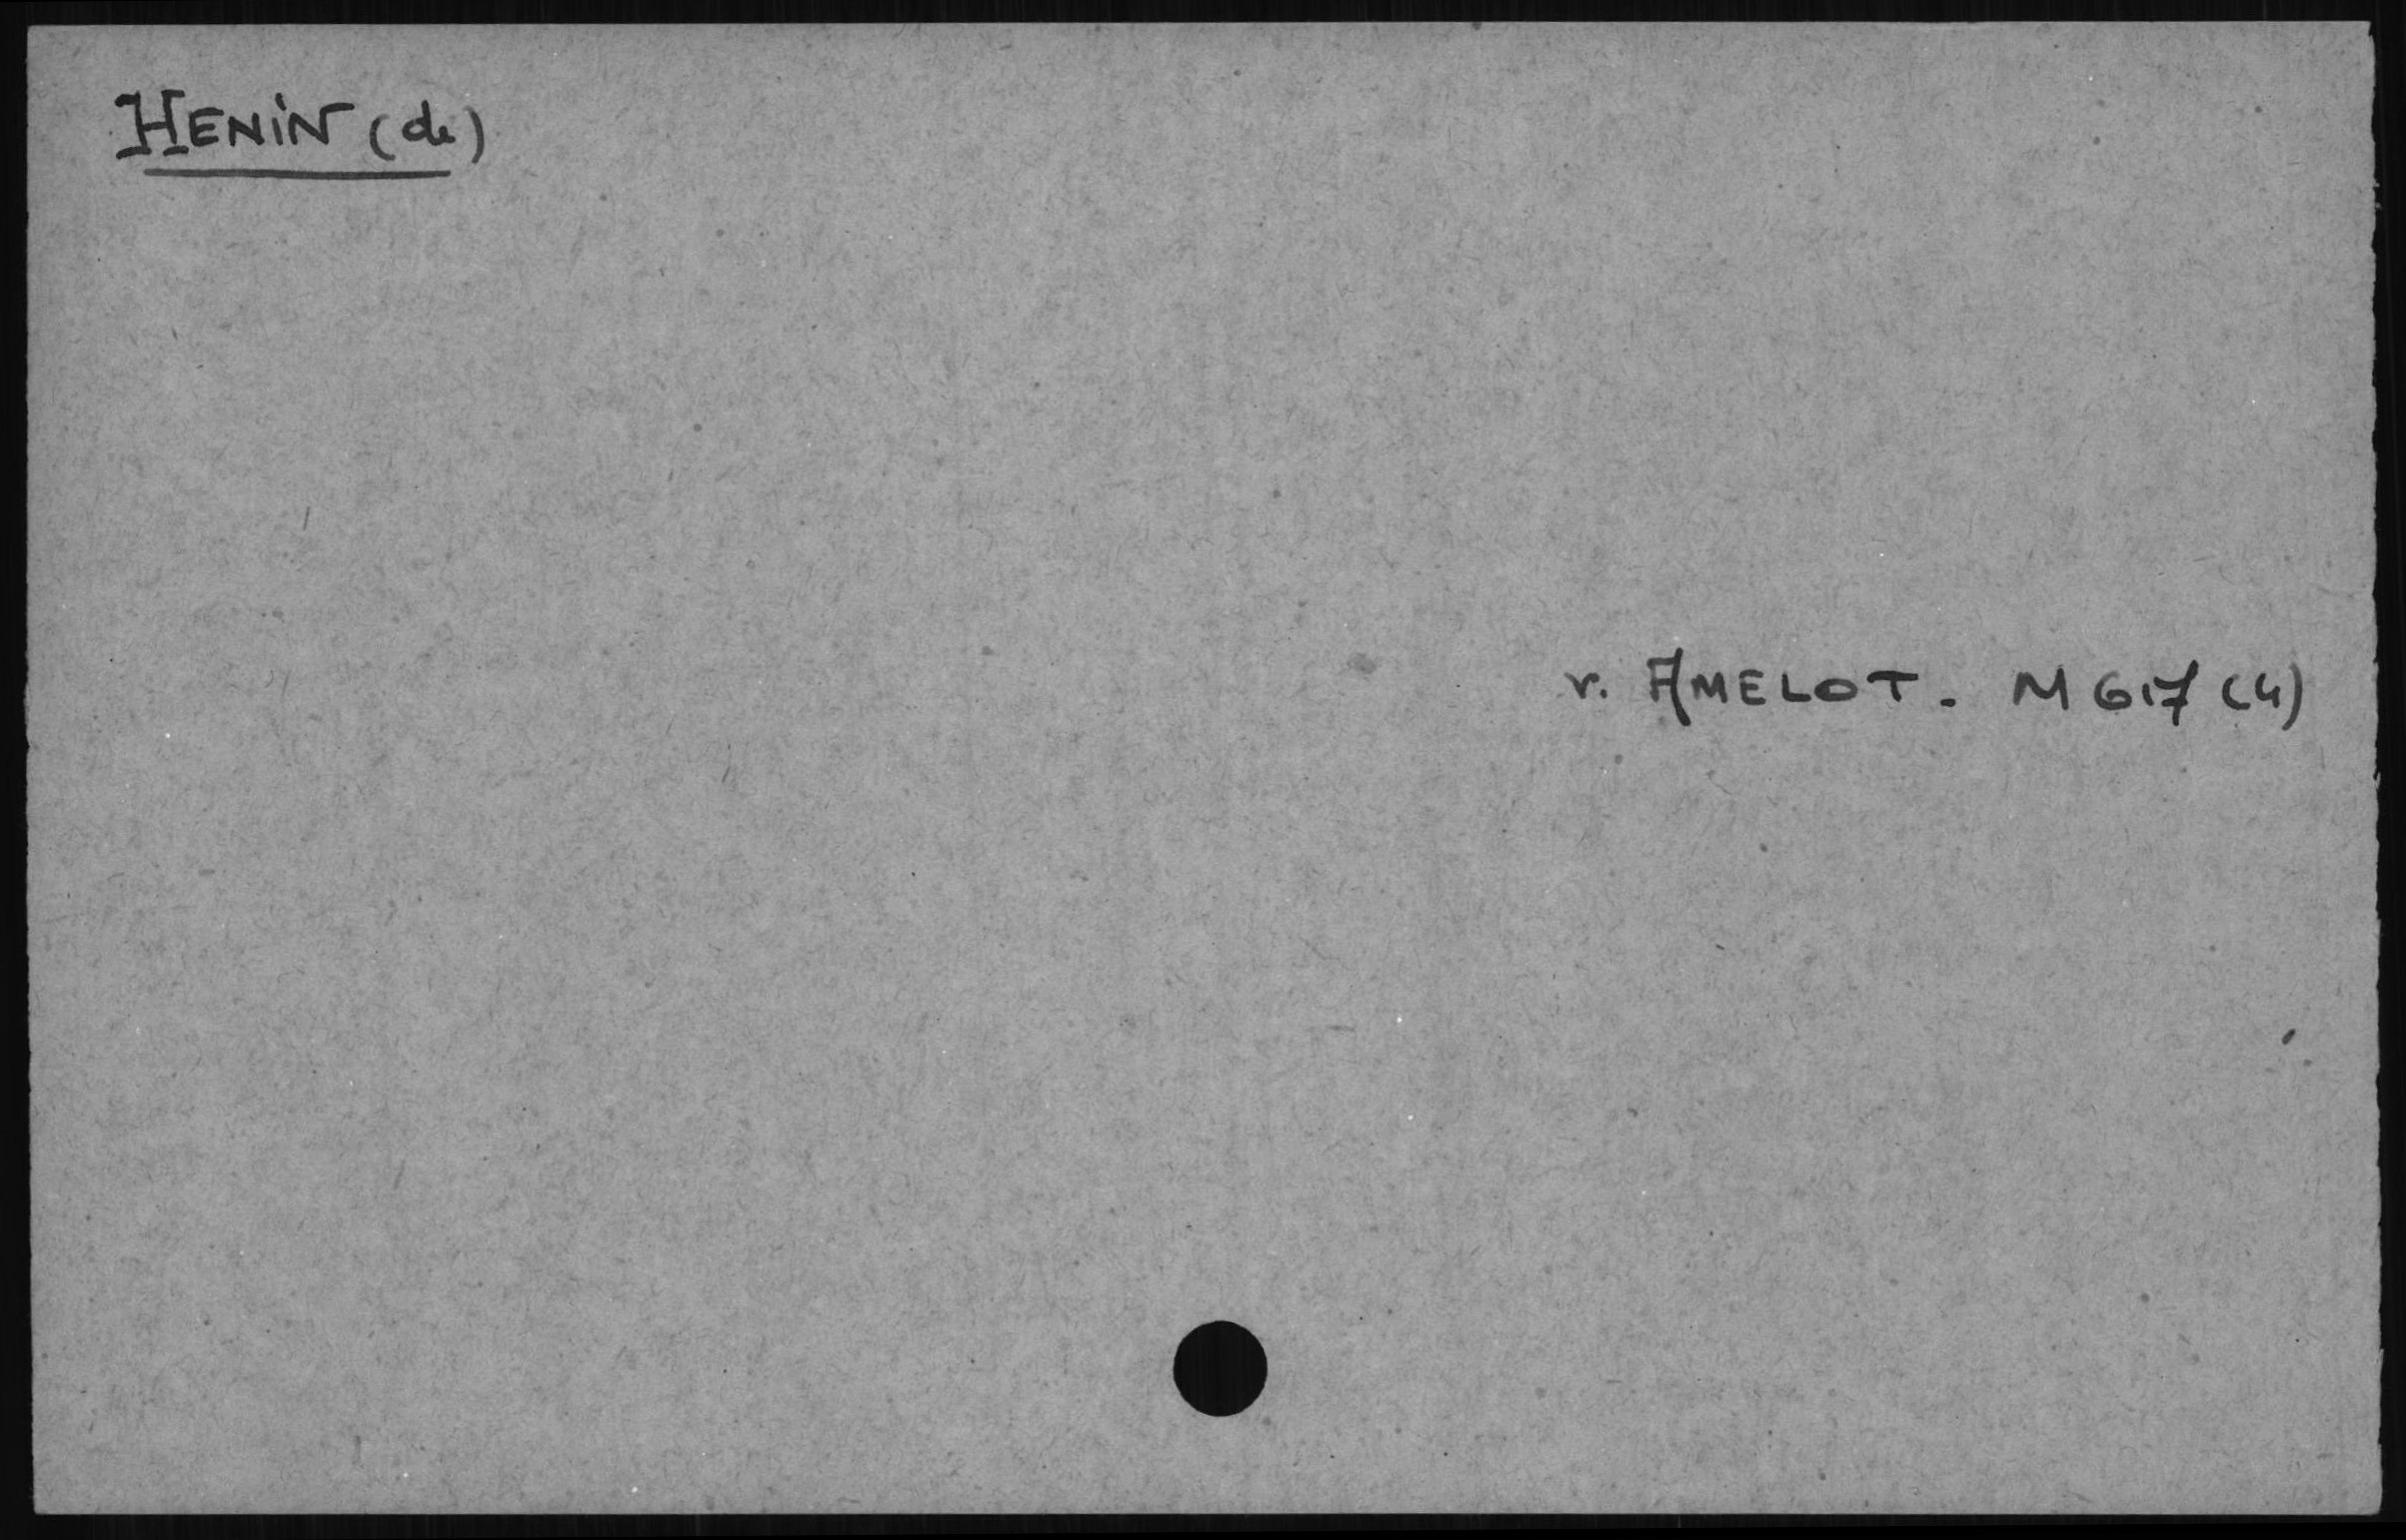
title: HENIN (de)
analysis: voir : AMELOT.
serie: M
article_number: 617
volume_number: (4)
